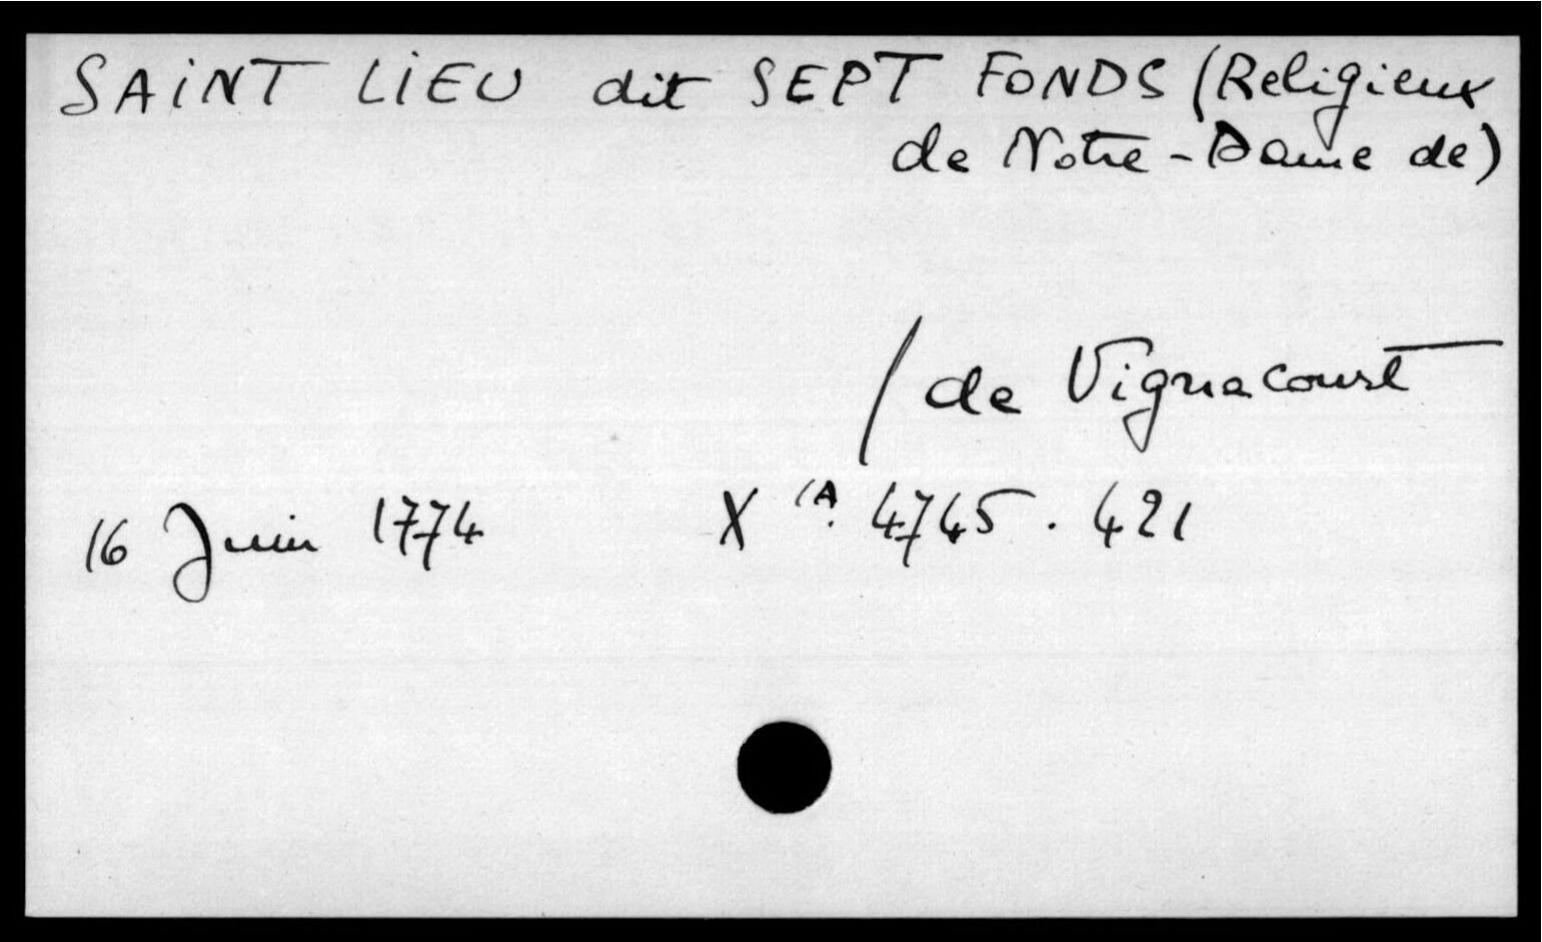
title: SAINT LIEU dit SEPT FONDS (Religieux de Notre-Dame de)
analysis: Contre de Vignacourt
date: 16 juin 1774
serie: X1A
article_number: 4745
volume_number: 421
